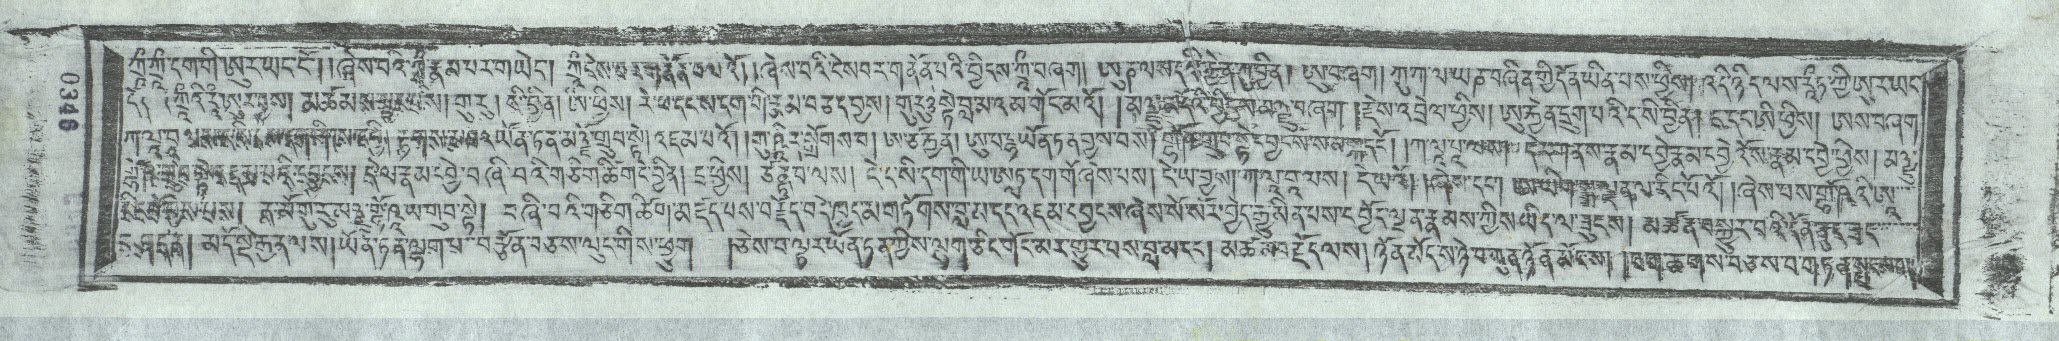ཀྲཱྀ་ཀྲཱྀ་ངག་གི་ཨུར་ཡང་ངོ། །ཞེས་བའི་ཀྲཱྀ་རྣམ་པར་གཡེང་། ཀྲཱྀ་ངེས་བར་གནོན་བ་ལའོ། །ཞེས་བའི་ངེས་བར་གནོན་པའི་བྱིངས་ཀྲཱྀ་བཞག། ཨུ་ཎ་ལས་དའི་རྐྱེན་ན་ཀུ་བྱིན། ཨུ་བཞག། ཀུ་ཀ་ལ་ཡཎ་བཞིན་གྱི་དོན་ཡིན་པས་ཕྱིས། འདི་ཉིད་ལས་རཱྀཏ་ཀྱི་ཨུ་ར་ཡང་
རྡོ༑ ༑ཀྲཱྀའི་རཱི་ཨུར་བྱས། མཚམས་སྦྱར་པས། གུ་རུ། སི་བྱིན། ཨི་ཕྱིས། རེ་ཕ་དང་ས་དག་གི་རྣམ་བཅས་བྱས། གུ་རུ་ཉྶྟེ་བླ་མ་འམ་གོང་མའོ། །མཉྫུ་མདོའི་བྱིངས་མཉྫུ་བཞག། རྗེས་འབྲེལ་ཕྱིས། ཨུ་རྐྱེན་དྲུག་པའི་ད་སེ་བྱིན། དྲ་དང་ཨི་ཕྱིས། ས་བཞག་
ཀ་ལཱ་བཱ་ལས་ད་སིངས་དག་གི་ཨ་དབྱི། རྟགས་མཐའ་ཡོན་ཏན་མཉྫོ་གྲུབ་སྟེ། འཇམ་པའོ། །གུ་ཥEར་སྒྲོགས་བ། ཨ་ཙ་རྒྱན། ཨུ་བ་དྷ་ཡོན་ཏན་བྱས་བས། གྷོ་ཥ་གྲུབ་སྟེ་དབྱངས་སམ་སྐད་དོད། །ཀ་ལཱ་པཱ་ལས། དེར་གནས་རྣམ་དབྱེ་རྣམ་དབྱེ་འོས་རྣམ་དབྱེ་ཕྱིས། མཉྫུ་
གྷོ་ཥ་གྲུབ་སྟེ་འཇམ་པའི་དབྱངས། དེ་ལ་རྣམ་དབྱེ་བཞི་བའི་གཅིག་ཚིག་དེ་བྱིན། དྲ་ཕྱིས། ཙནྟ་བ་ལས། དེ་ད་སི་དག་གི་ཨ་ཨཏླ་དག་གོ་ཞེས་པས། དེ་ཡ་བྱས། ཀ་ལཱ་བཱ་ལས། དེ་ཡའོ། །ཞེས་དང་། ཨ་ཡིག་སྒྲ་ལྡན་ལ་རིང་པོའོ། །ཞེས་པས་གྷོ་ཥའི་ཨཱ་
རིང་པོ་བྱས་པས། ན་མོ་གུ་རུ་མཉྫུ་གྷོ་ཥཱ་ཡ་གྲུབ་སྟེ། བཞི་བའི་གཅིག་ཚིག་མཛད་པས་བརྗོད་བདེ་ཁྱང་མ་གཏོགས་བླ་མ་དང་འཇམ་དབྱངས་ཞེས་སོ་སོར་བྱེད་རྒྱུ་མིན་པས་དབྱོད་ལྡན་རྣམས་ཀྱིས་ཡིད་ལ་ཟུངས། མཚན་བསྒྱུར་བའི་དོན་ཅུང་ཟད་
བཤད་ན། མདོ་སྡེ་རྒྱན་ལས། ཡོན་ཏན་ལྷག་པ་བརྩོན་བཅས་ལུང་གིས་ཕྱུག །ཅེས་བ་ལྟར་ཡོན་ཏན་ཀྱིས་ལྷག་ཅིང་གོང་མར་གྱུར་པས་བླ་མ་དང་། མཚམ་བརྗོད་ལས། ཉོན་མོད་པ་ཉེ་བ་ཀུན་ཉོན་མོངས། །བག་ཆགས་བཅས་པ་གཏན་སྤངས་པ།།